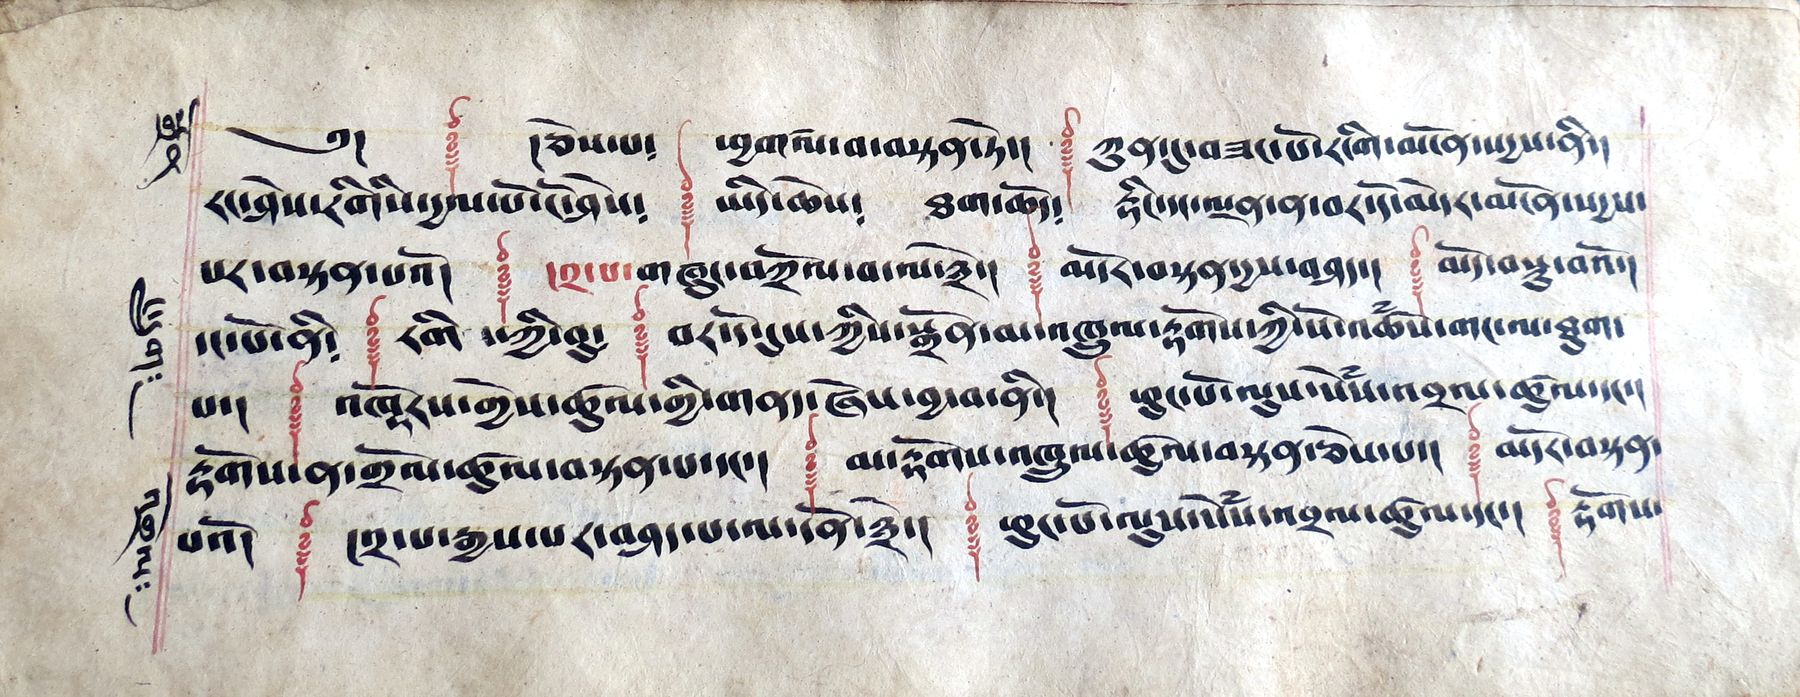ཞེས་པས། ཕྱག་འཚལ་བ་བསྟན་ཏེ། ཀུན་ཏུ་བཟང་པོ་རང་རིག་མངོན་སངས་རྒྱས་ནི་
རང་ཤེས་རིག་གི་རྒྱལ་པོ་ངོ་ཤེས། ཡིད་ཆེས། ཐག་ཆོད། གདེང་དང་ལྡན་ན་བར་དོ་མེད་པར་མངོན་དུ་སངས་རྒྱས་
པར་བསྟན་པའོ། །གཉིས་པ་གཞུང་དཀྲོལ་བ་ལ་གསུམ་སྟེ། མདོར་བསྟན་རྒྱས་བཤད། མདོ་བསྡུ་བའོ། །
དང་པོ་ནི། རིགས་ཀྱི་བུ། བར་དོ་དུས་ཀྱི་སྒྲོན་མ་འཁྲུལ་རྟོགས་ཀྱི་སོ་མཚམས་གང་ལ་ཐུག་
པ། འཁོར་འདས་གྱེས་ཚུལ་གྱི་གནད་ཅེས་བྱ་བ་ནི། ཕུང་པོ་ལུས་སེམས་འབྲལ་ཚུལ་དང་། 
རྟོགས་ནས་གྲོལ་ཚུལ་བསྟན་པ་དང་། མ་རྟོགས་འཁྲུལ་ཚུལ་བསྟན་ཞེས་པས། མདོར་བསྟན་
པའོ། །གཉིས་པ་རྒྱས་པར་བཤད་པ་ལ་དོན་གསུམ་སྟེ། ཕུང་པོ་ལུས་སེམས་འབྲལ་ཚུལ་དང་། རྟོགས་